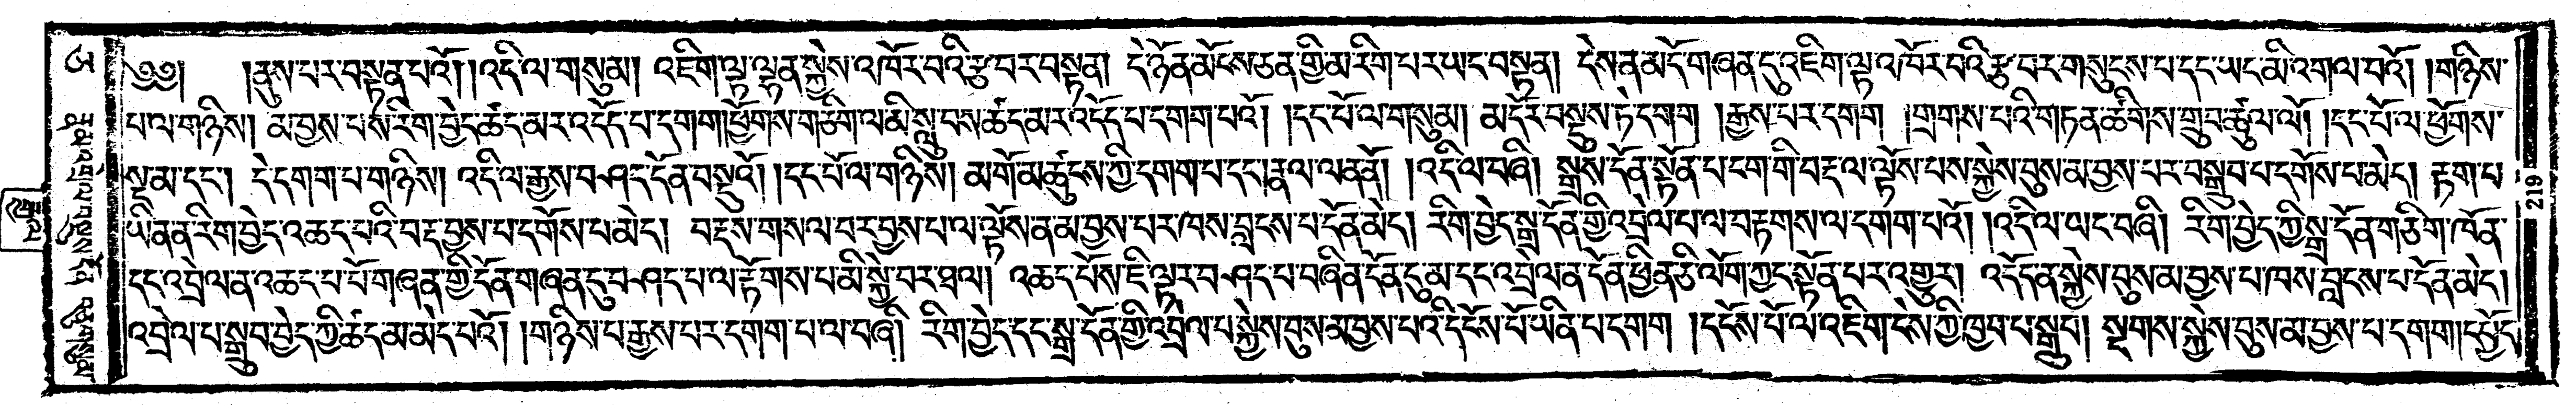༄༅། །ནུས་པར་བསྟན་པའོ། །འདི་ལ་གསུམ། འཇིག་ལྟ་ལྷན་སྐྱེས་འཁོར་བའི་རྩ་བར་བསྟན། དེ་ཉོན་མོངས་ཅན་གྱི་མ་རིག་པར་ཡང་བསྟན། དེས་ན་མདོ་གཞན་དུ་འཇིག་ལྟ་འཁོར་བའི་རྩ་བར་གསུངས་པ་དང་ཡང་མི་འགལ་པའོ། །གཉིས་
པ་ལ་གཉིས། མ་བྱས་པས་རིག་བྱེད་ཚད་མར་འདོད་པ་དགག །ཕྱོགས་གཅིག་ལ་མི་སླུ་བས་ཚད་མར་འདོད་པ་དགག་པའོ། །དང་པོ་ལ་གསུམ། མདོར་བསྡུས་ཏེ་དགག །རྒྱས་པར་དགག །གྲགས་པའི་གཏན་ཚིགས་གྲུབ་ཚུལ་ལོ། །དང་པོ་ལ་ཕྱོགས་
སྔ་མ་དང་། དེ་དགག་པ་གཉིས། འདི་ལ་རྒྱས་བཤད་དོན་བསྡུའོ། །དང་པོ་ལ་གཉིས། མགོ་མཚུངས་ཀྱི་དགག་པ་དང་། རྣལ་ལན་ནོ། །འདི་ལ་བཞི། སྒྲས་དོན་སྟོན་པ་ངག་གི་བརྡ་ལ་ལྟོས་པས་སྐྱེས་བུས་མ་བྱས་པར་བསྒྲུབ་པ་དགོས་པ་མེད། རྟག་པ་
ཡིན་ན་རིག་བྱེད་འཆད་པའི་བརྡ་བྱས་པ་དགོས་པ་མེད། བརྡས་གསལ་བར་བྱས་པ་ལ་ལྟོས་ན་མ་བྱས་པར་ཁས་བླངས་པ་དོན་མེད། རིག་བྱེད་སྒྲ་དོན་གྱི་འབྲེལ་བ་ལ་བརྟགས་ལ་དགག་པའོ། །འདི་ལ་ཡང་བཞི། རིག་བྱེད་ཀྱི་སྒྲ་དོན་གཅིག་ཁོ་ན་
དང་འབྲེལ་ན་འཆད་པ་པོ་གཞན་གྱི་དོན་གཞན་དུ་བཤད་པ་ལ་རྟོགས་པ་མི་སྐྱེ་བར་ཐལ། འཆད་པོས་ཇི་ལྟར་བཤད་པ་བཞིན་དོན་དུ་མ་དང་འབྲེལ་ན་དོན་ཕྱིན་ཅི་ལོག་ཀྱང་སྟོན་པར་འགྱུར། འདོད་ན་སྐྱེས་བུས་མ་བྱས་པ་ཁས་བླངས་པ་དོན་མེད།
འབྲེལ་པ་སྒྲུབ་བྱེད་ཀྱི་ཚད་མ་མེད་པའོ། །གཉིས་པ་རྒྱས་པར་དགག་པ་ལ་བཞི། རིག་བྱེད་དང་སྒྲ་དོན་གྱི་འབྲེལ་པ་སྐྱེས་བུས་མ་བྱས་པའི་དངོས་པོ་ཡིན་པ་དགག །དངོས་པོ་ལ་འཇིག་ངེས་ཀྱི་ཁྱབ་པ་སྒྲུབ། སྔགས་སྐྱེས་བུས་མ་བྱས་པ་དགག། དཔྱོད་